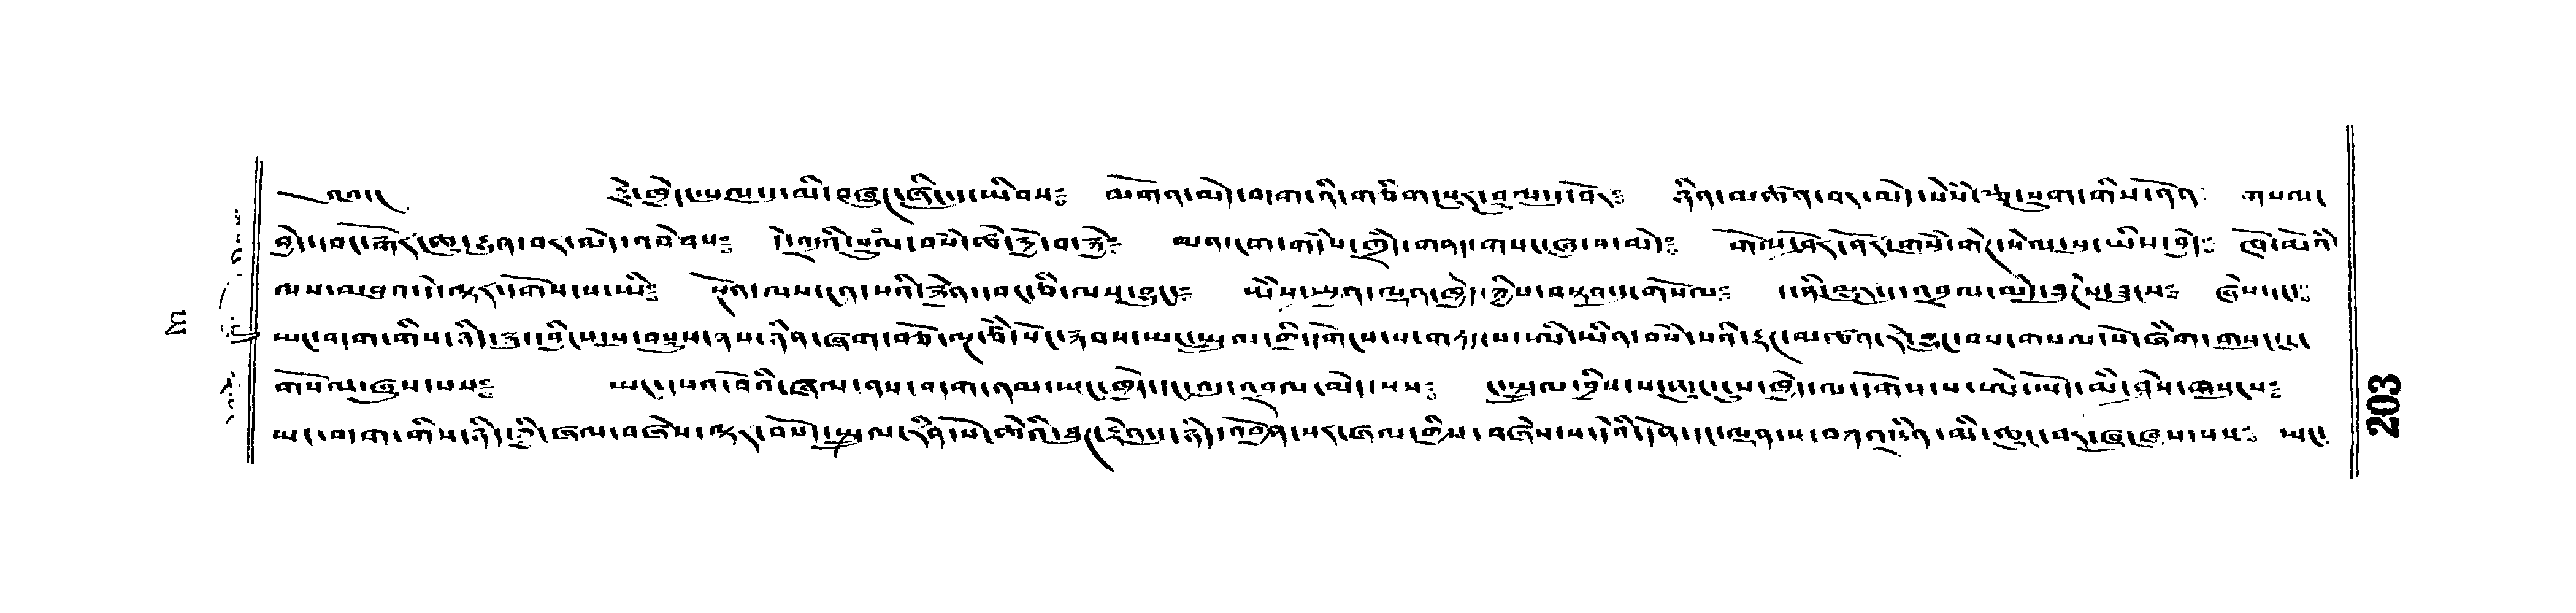རྗེ་ཁྱེད་ཡུལ་དུ་མི་བཞུགས་ཞིང་དུ་ཡིབས༔ མགོན་མེད་བདག་ནི་གཅིག་པུར་ཤུལ་དུ་བོར༔ ཉིན་མཚན་བར་མེད་སེམས་རྩ་སྡུག་གིས་ནཽན༔ གསལ་
བྱེད་དབང་སྒོར་ཆུ་རྒྱུན་བར་མེད་འབེབས༔ དེ་འདྲའི་སྡུག་བསྔལ་བསམ་ཚེ་སྐྱོ་བ་སྐྱེ༔ མན་ངག་གདམས་ཁྲིད་གནད་གསང་ཞུ་ས་མེད༔ གོལ་ཤོར་ནོར་གསུམ་གེགས་སེལ་སུ་ཡིས་བྱེད༔ ཁོ་མོའི་
ལས་མཐའ་དེ་ལྟར་དགོས་པ་ཡི༔ སྔོན་ལས་ངན་པའི་རྐྱེན་དབང་ཅི་ལས་བྱུང༔ ཡེ་ཤེས་སྤྱན་ལྡན་ཁྱེད་ཀྱིས་བསྟན་དུ་གསོལ༔ ད་ནི་མྱུར་དུ་འབྲལ་མེད་ཐུགས་རྗེས་ཟུངས༔ ཞེས་དང༔ 
ཡང་བདག་གིས་ཉིད་སྐུ་དབྱིངས་སུ་བསྡུས་ནས་ཉིན་ཞག་བཅོ་ལྔ་ཙམ་སོང་སྐབས་ཡང་སྤྲུལ་གྱི་དགོངས་པ་གཏད་པ་ཨེ་ཡིན་བསམ་པའི་རྟགས་མཚན་རེ་བྱུང་བས་གསལ་པོ་ཞིག་གསུང་དུ་
གསོལ་ཞུས་པས༔ ཡང་དཔའ་བོའི་ཞལ་ནས་བདག་ནམ་ཡང་ཁྱེད་དང་འདུ་འབྲལ་མེད་པས༔ ང་སྤྲུལ་བྱིས་པ་ཆུང་ངུས་ཁྱེད་ལ་དགོས་པ་ཨེ་ཡོད་མི་ཤེས་གསུངས༔ 
ཡང་བདག་གིས་ཉིད་ཀྱི་ཞལ་བཞེས་ལྟར་བསོད་སྤྲུལ་རིན་པོ་ཆེའི་ཐུགས་རྟེན་དུ་ཉིད་འབྱོན་པར་ཞལ་གྱིས་བཞེས་པ་དེའི་དོན་དང་ལྡན་པ་བཀའ་དྲིན་མི་ཆུང་བར་ཞུ་ཞུས་པས༔ཡང་